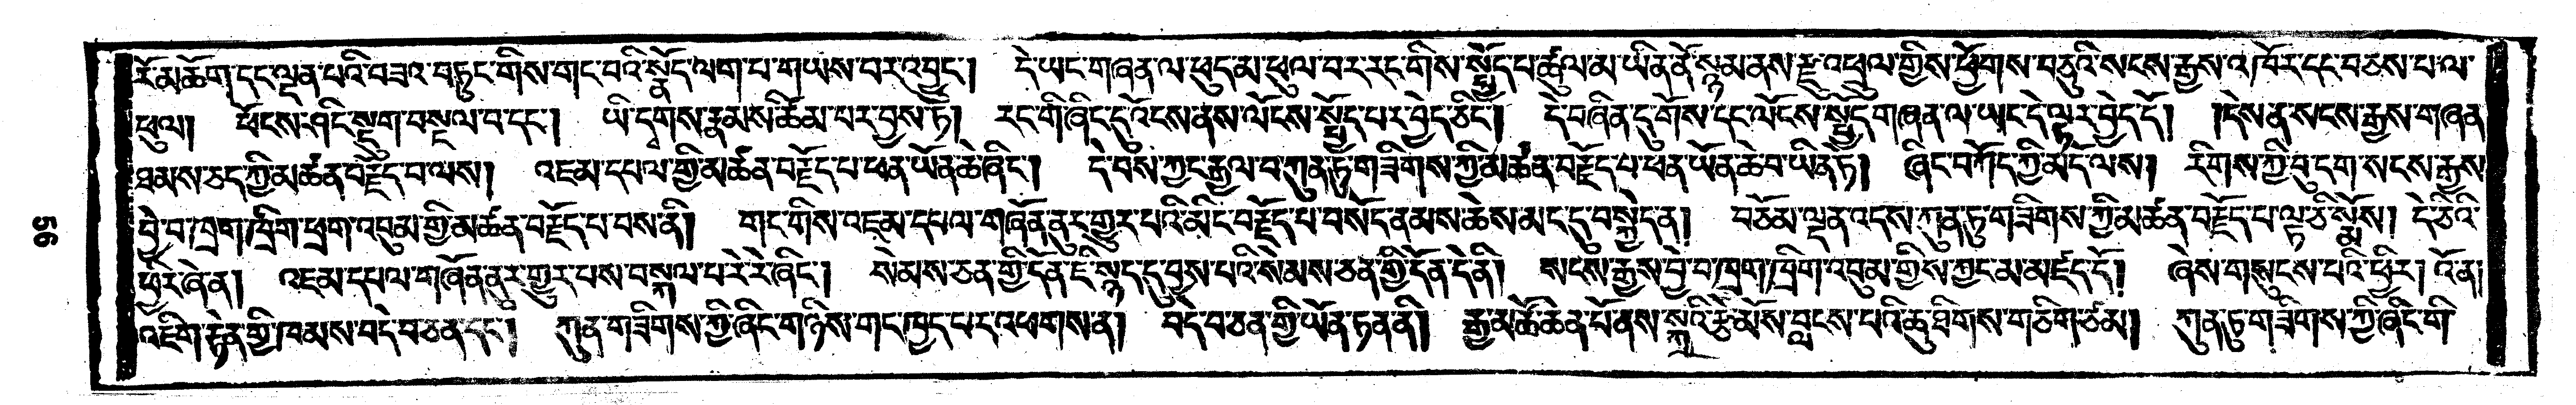རོ་མཆོག་དང་ལྡན་པའི་བཟའ་བཏུང་གིས་གང་བའི་སྣོད་ལག་པ་གཡས་པར་འབྱུང་། དེ་ཡང་གཞན་ལ་ཕུད་མ་ཕུལ་བར་རང་གིས་སྤྱོད་པ་ཚུལ་མ་ཡིན་ནོ་སྙམ་ནས་རྫུ་འཕྲུལ་གྱིས་ཕྱོགས་བཅུའི་སངས་རྒྱས་འཁོར་དང་བཅས་པ་ལ་
ཕུལ། ཕོངས་ཤིང་སྡུག་བསྔལ་བ་དང་། ཡི་དྭགས་རྣམས་ཚིམ་པར་བྱས་ཏེ། རང་གི་ཞིང་དུ་འོངས་ནས་ལོངས་སྤྱོད་པར་བྱེད་ཅིང་། དེ་བཞིན་དུ་གོས་དང་ལོངས་སྤྱོད་གཞན་ལ་ཡང་དེ་ལྟར་བྱེད་དོ། །དེས་ན་སངས་རྒྱས་གཞན་
ཐམས་ཅད་ཀྱི་མཚན་བརྗོད་པ་ལས། འཇམ་དཔལ་གྱི་མཚན་བརྗོད་པ་ཕན་ཡོན་ཆེ་ཞིང་། དེ་བས་ཀྱང་རྒྱལ་བ་ཀུན་ཏུ་གཟིགས་ཀྱི་མཚན་བརྗོད་པ་ཕན་ཡོན་ཆེ་བ་ཡིན་ཏེ། ཞིང་བཀོད་ཀྱི་མདོ་ལས། རིགས་ཀྱི་བུ་དག་སངས་རྒྱས་
བྱེ་བ་ཁྲག་ཁྲིག་ཕྲག་འབུམ་གྱི་མཚན་བརྗོད་པ་བས་ནི། གང་གིས་འཇམ་དཔལ་གཞོན་ནུར་གྱུར་པའི་མིང་བརྗོད་པ་བསོད་ནམས་ཆེས་མང་དུ་བསྐྱེད་ན། བཅོམ་ལྡན་འདས་ཀུན་ཏུ་གཟིགས་ཀྱི་མཚན་བརྗོད་པ་ལྟ་ཅི་སྨོས། དེ་ཅིའི་
ཕྱིར་ཞེ་ན། འཇམ་དཔལ་གཞོན་ནུར་གྱུར་པས་བསྐལ་པ་རེ་རེ་ཞིང་། སེམས་ཅན་གྱི་དོན་ཇི་སྙད་དུ་བྱས་པའི་སེམས་ཅན་གྱི་དོན་དེ་ནི། སངས་རྒྱས་བྱེ་བ་ཁྲག་ཁྲིག་འབུམ་གྱིས་ཀྱང་མ་མཛད་དོ། ཞེས་གསུངས་པའི་ཕྱིར། འོ་ན།
འཇིག་རྟེན་གྱི་ཁམས་བདེ་བ་ཅན་དང་། ཀུན་གཟིགས་ཀྱི་ཞིང་གཉིས་གང་ཁྱད་པར་འཕགས་ན། བདེ་བ་ཅན་གྱི་ཡོན་ཏན་ནི། རྒྱ་མཚོ་ཆེན་པོ་ནས་སྐའི་རྩེ་མོས་བླངས་པའི་ཆུ་ཐིགས་གཅིག་ཙམ། ཀུན་ཏུ་གཟིགས་ཀྱི་ཞིང་གི་